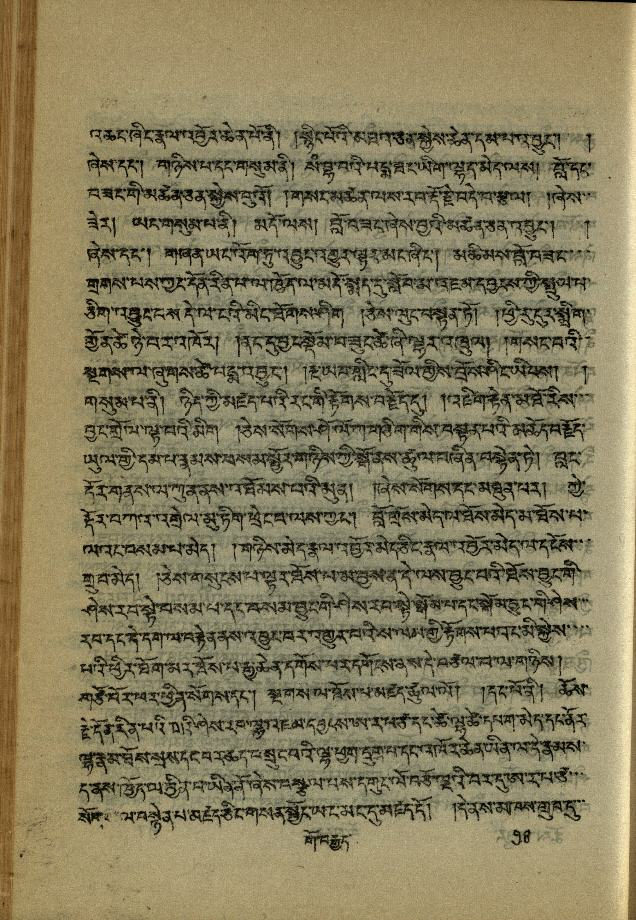འཆང་ཞིང་རྣལ་འབྱོར་ཆེན་པོ་ནི། །སྙིང་པོའི་མཐའ་ཅན་སྐྱེས་ཆེན་དམ་པ་འབྱུང་། །
ཞེས་དང་། གཉིས་པ་དང་གསུམ་ནི། སཾ་བྷ་བའི་པདམ་ཐང་ཡིག་ལྷ་མེད་ལས། བློ་དང་།
བཟང་གི་མཚན་ཅན་སྐྱེས་བུའོ། །གསང་མཚན་ལས་རབ་རྡོ་རྗེ་བདེ་བ་རྩལ། །ཞེས་
ཟེར། ཡང་གསུམ་པ་ནི། མདོ་ལས། བློ་བཟང་ཞེས་བྱའི་མཚན་ཅན་འབྱུང་། །
ཞེས་དང་། གཞན་ཡང་འོག་ཏུ་འབྱུང་འགྱུར་ལྟར་མང་ཞིང་། མཆིམས་བློ་བཟང་
གྲགས་པས་ཀྱང་དོན་རིན་པ་ལ་ཁྱོད་ལ་མདོ་སྨད་དུ་སློབ་མ་འཇམ་དབྱངས་ཀྱི་སྤྲུལ་པ་
ཅིག་འབྱུང་བས་དེ་ལ་ངའི་མིང་ཐོགས་ཤིག །ཅེས་ལུང་བསྟན་ཏོ། །ཕྱི་རུ་དུར་སྨྲིག་
གྱོན་ཚེ་ཉེ་བར་འཁོར། །ནང་དུ་བྱང་སྡོམ་བཟུང་ཚེ་ཞི་ལྷར་འཁྲུལ། །གསང་བའི་
སྔགས་ལ་ཞུགས་ཚེ་པདམ་འབྱུང་། །རྔ་ཡབ་གླིང་དུ་ཟོལ་གྱིས་བྲོས་ཤིང་ཡིབས། །
གསུམ་པ་ནི། ཉིད་ཀྱི་མཛད་པའི་རང་གི་རྟོགས་བརྗོད་དུ། །འཇིག་རྟེན་མཐོ་རིས་
བྱང་གྲོལ་ལྟ་བའི་མིག །ཅེས་སོགས་ཤོ་ལོ་ཀ་གཅིག་གིས་བསྟན་པའི་མཆོད་བརྗོད་
ཡུལ་གྱི་དམ་པ་རྣམས་བསམ་སྦྱོར་གཉིས་ཀྱི་སྒོ་ནས་ཚུལ་བཞིན་བསྟེན་ཏེ། བླང་
དོར་གནས་ལ་ཀུན་ནས་འཐོམས་པའི་མུན། །ཞེས་སོགས་དང་མཐུན་པར། ཀྱེ་
རྡོར་བཀའ་འགྲེལ་མུ་ཏིག་ཕྲེང་བ་ལས་ཀྱང་། བློ་གྲོས་མེད་ལ་ཐོས་མེད་མ་ཐོས་པ་
ལའང་བསམ་པ་མེད། །གཉིས་མེད་རྣལ་འབྱོར་མེད་ཅིང་རྣལ་འབྱོར་མེད་ལ་དངོས་
གྲུབ་མེད། །ཅེས་གསུངས་པ་ལྟར་ཐོས་པ་མ་བྱས་ན་དེ་ལས་བྱུང་བའི་ཐོས་བྱུང་གི་
ཤེས་རབ་སྟེ་བསམ་པ་དང་བསམ་བྱུང་གི་ཤེས་རབ་སྟེ་སྒོམ་པ་དང་སྒོམ་བྱུང་གི་ཤེས་
རབ་དང་དེ་དག་ལ་བརྟེན་ནས་འབྱུང་བར་འགྱུར་བའི་ས་ལམ་གྱི་རྟོགས་པའང་མི་སྐྱེས་
པའི་ཕྱིར་ཐོག་མར་ཐོས་པ་རྒྱ་ཆེན་དགོས་པར་དགོངས་ན་དེ་བཙལ་བ་ལ་གཉིས།
གཙོ་བོར་ཕར་ཕྱིན་སོགས་དང་། སྔགས་ལ་ཐོས་པ་མཛད་ཚུལ་ལོ། །དང་པོ་ནི། ཆོས་
རྗེ་དོན་རིན་པའི་བའི་ཤེས་རབ་ལྷ་འཇམ་དབྱངས་ཨ་ར་པ་ཙ་དང་ཚེ་ལྷ་ཚེ་དཔག་མེད་དང་ནོར་
ལྷ་རྣམ་ཐོས་སྲས་དང་བར་ཆད་བསྲུང་བའི་ལྷ་ཕྱག་དྲུག་བ་དང་འཁོར་ཆེན་ཡིན་ལ་དེ་རྣམས་
ད་ནས་ཁྱོད་ལ་བྱིན་བ་ཡིན་ནོ་ཞེས་བསྩལ་པས་དགུང་ལོ་བཅོ་ལྔའི་བར་དུ་ཨ་ར་པ་ཙ་
སོགས་ལ་བསྙེན་པ་མཛད་ཅིང་གསན་སྦྱོང་ཡང་མང་དུ་མཛད་དོ། །དེ་ནས་མཁས་གྲུབ་དུ་